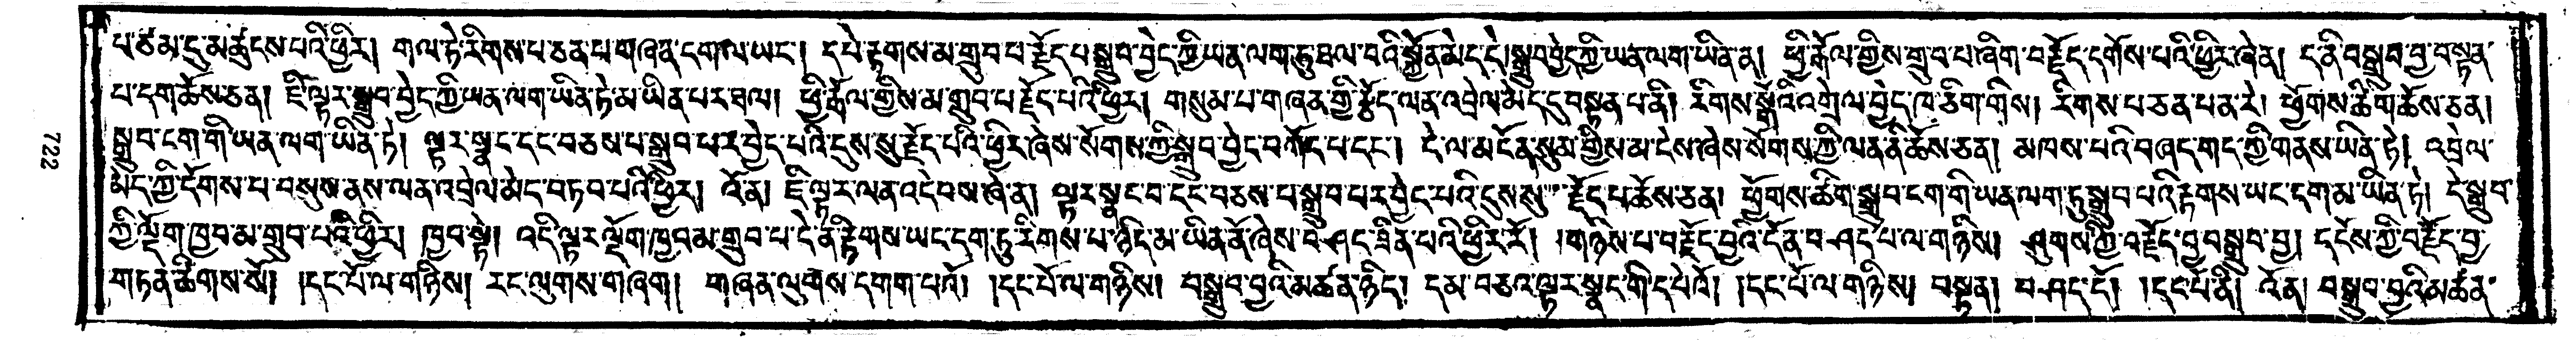པ་ཙམ་དུ་མཚུངས་པའི་ཕྱིར། གལ་ཏེ་རིགས་པ་ཅན་པ་གཞན་དག་ལ་ཡང་། དཔེ་རྟགས་མ་གྲུབ་པ་རྗོད་པ་སྒྲུབ་བྱེད་ཀྱི་ཡན་ལག་ཏུ་ཐལ་བའི་སྐྱོན་མེད་དེ། སྒྲུབ་བྱེད་ཀྱི་ཡན་ལག་ཡིན་ན། ཕྱི་རྒོལ་གྱིས་གྲུབ་པ་ཞིག་བརྗོད་དགོས་པའི་ཕྱིར་ཞེ་ན། ད་ནི་བསྒྲུབ་བྱ་བསྟན་
པ་དག་ཆོས་ཅན། ཇི་ལྟར་སྒྲུབ་བྱེད་ཀྱི་ཡན་ལག་ཡིན་ཏེ་མ་ཡིན་པར་ཐལ། ཕྱི་རྒོལ་གྱིས་མ་གྲུབ་པ་རྗོད་པའི་ཕྱིར། གསུམ་པ་གཞན་གྱི་རྩོད་ལན་འབྲེལ་མེད་དུ་བསྟན་པ་ནི། རིགས་སྒོའི་འགྲེལ་བྱེད་ཁ་ཅིག་གིས། རིགས་པ་ཅན་པ་ན་རེ། ཕྱོགས་ཚིག་ཆོས་ཅན།
སྒྲུབ་ངག་གི་ཡན་ལག་ཡིན་ཏེ། ལྟར་སྣང་དང་བཅས་པ་སྒྲུབ་པར་བྱེད་པའི་དུས་སུ་རྗོད་པའི་ཕྱིར་ཞེས་སོགས་ཀྱི་སྒྲུབ་བྱེད་བཀོད་པ་དང་། དེ་ལ་མངོན་སུམ་གྱིས་མ་ངེས་ཞེས་སོགས་ཀྱི་ལན་ནི་ཆོས་ཅན། མཁས་པའི་བཞད་གང་ཀྱི་གནས་ཡིན་ཏེ། འབྲེལ་
མེད་ཀྱི་དོགས་པ་བསུས་ནས་ལན་འབྲེལ་མེད་བཏབ་པའི་ཕྱིར། འོ་ན། ཇི་ལྟར་ལན་འདེབས་ཞེ་ན། ལྟར་སྣང་བ་དང་བཅས་པ་སྒྲུབ་པར་བྱེད་པའི་དུས་སུ་རྗོད་པ་ཆོས་ཅན། ཕྱོགས་ཚིག་སྒྲུབ་ངག་གི་ཡན་ལག་ཏུ་སྒྲུབ་པའི་རྟགས་ཡང་དག་མ་ཡིན་ཏེ། དེ་སྒྲུབ་
ཀྱི་ལྡོག་ཁྱབ་མ་གྲུབ་པའི་ཕྱིར། ཁྱབ་སྟེ། འདི་ལྟར་ལྡོག་ཁྱབ་མ་གྲུབ་པ་དེ་ནི་རྟགས་ཡང་དག་ཏུ་རིགས་པ་ཉིད་མ་ཡིན་ནོ་ཞེས་བཤད་ཟིན་པའི་ཕྱིར་རོ། །གཉིས་པ་བརྗོད་བྱའི་དོན་བཤད་པ་ལ་གཉིས། ཤུགས་ཀྱི་བརྗོད་བྱ་བསྒྲུབ་བྱ། དངོས་ཀྱི་བརྗོད་བྱ་
གཏན་ཚིགས་སོ། །དང་པོ་ལ་གཉིས། རང་ལུགས་གཞག། གཞན་ལུགས་དགག་པའོ། །དང་པོ་ལ་གཉིས། བསྒྲུབ་བྱའི་མཚན་ཉིད། དམ་བཅའ་ལྟར་སྣང་གི་དཔེའོ། །དང་པོ་ལ་གཉིས། བསྟན། བཤད་དོ། །དང་པོ་ནི། འོ་ན། བསྒྲུབ་བྱའི་མཚན་